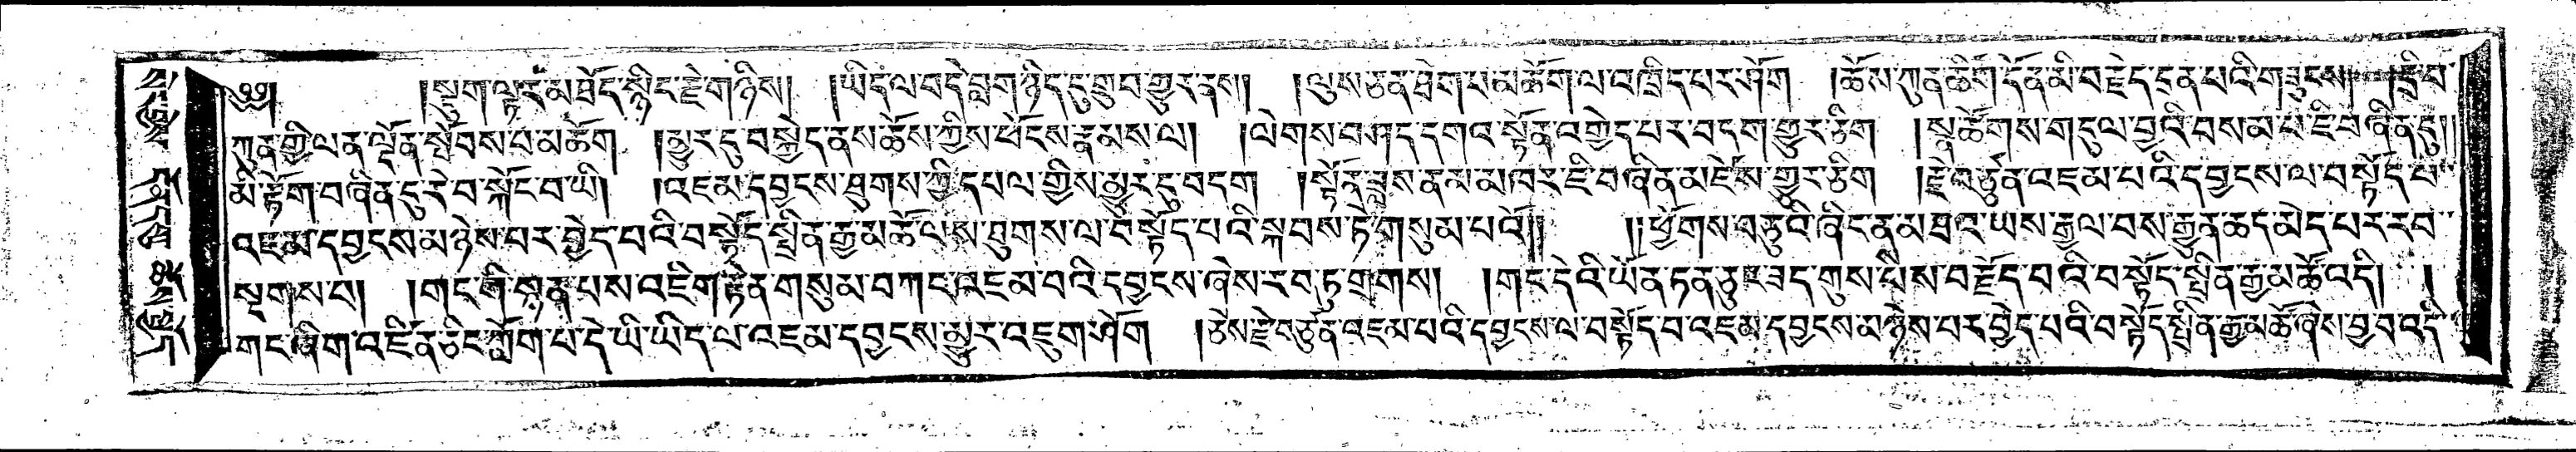༄༅། །སྡུག་ལྟར་མཐོང་སྙིང་རྗེ་གཉིས། །ཡིད་ལ་བདེ་བླག་ཉིད་དུ་གྲུབ་གྱུར་ནས། །ལུས་ཅན་ཐེག་པ་མཆོག་ལ་འཁྲིད་པར་ཤོག །ཆོས་ཀུན་ཚིག་དོན་མི་བརྗེད་དྲན་པའི་གཟུངས། །དྲི་བ་
ཀུན་གྱི་ལན་ལྡོན་སྤོབས་པ་མཆོག །མྱུར་དུ་བསྐྱེད་ནས་ཆོས་ཀྱིས་ཕོངས་རྣམས་ལ། །ལེགས་བཤད་དགའ་སྟོན་འགྱེད་པར་བདག་གྱུར་ཅིག །སྣ་ཚོགས་གདུལ་བྱའི་བསམ་པ་ཇི་བཞིན་དུ། །
མི་རྟོག་བཞིན་དུ་རེ་བ་སྐོར་བ་ཡི། །འཇམ་དབྱངས་ཐུགས་ཀྱི་དཔལ་གྱིས་མྱུར་དུ་བདག །སྟོན་ཟླས་ནམ་མཁར་ཇི་བཞིན་མཛེས་གྱུར་ཅིག །རྗེ་བཙུན་འཇམ་པའི་དབྱངས་ལ་བསྟོད་པ་
འཇམ་དབྱངས་མཉེས་པར་བྱེད་པའི་བསྟོད་སྤྲིན་རྒྱ་མཚོ་ལས་ཐུགས་ལ་བསྟོད་པའི་སྐབས་ཏེ་གསུམ་པའོ།། །།ཕྱོགས་བཅུའི་ཞིང་ནས་མཐའ་ཡས་རྒྱལ་བས་རྒྱུན་ཆད་མེད་པར་རབ་
སྔགས་པ། །གང་གི་སྙན་པས་འཇིག་རྟེན་གསུམ་བཀང་འཇམ་པའི་དབྱངས་ཞེས་རབ་ཏུ་གྲགས། །གང་དེའི་ཡོན་ཏན་ཅུང་ཟད་གུས་པས་བརྗོད་པའི་བསྟོད་སྤྲིན་རྒྱ་མཚོ་འདི། །
གང་ཞིག་འཛིན་ཅིང་ཀློག་པ་དེ་ཡི་ཡིད་ལ་འཇམ་དབྱངས་མྱུར་འཇུག་ཤོག །ཅེས་རྗེ་བཙུན་འཇམ་པའི་དབྱངས་ལ་བསྟོད་པ་འཇམ་དབྱངས་མཉེས་པར་བྱེད་པའི་བསྟོད་སྤྲིན་རྒྱ་མཚོ་ཞེས་བྱ་བ་འདི་